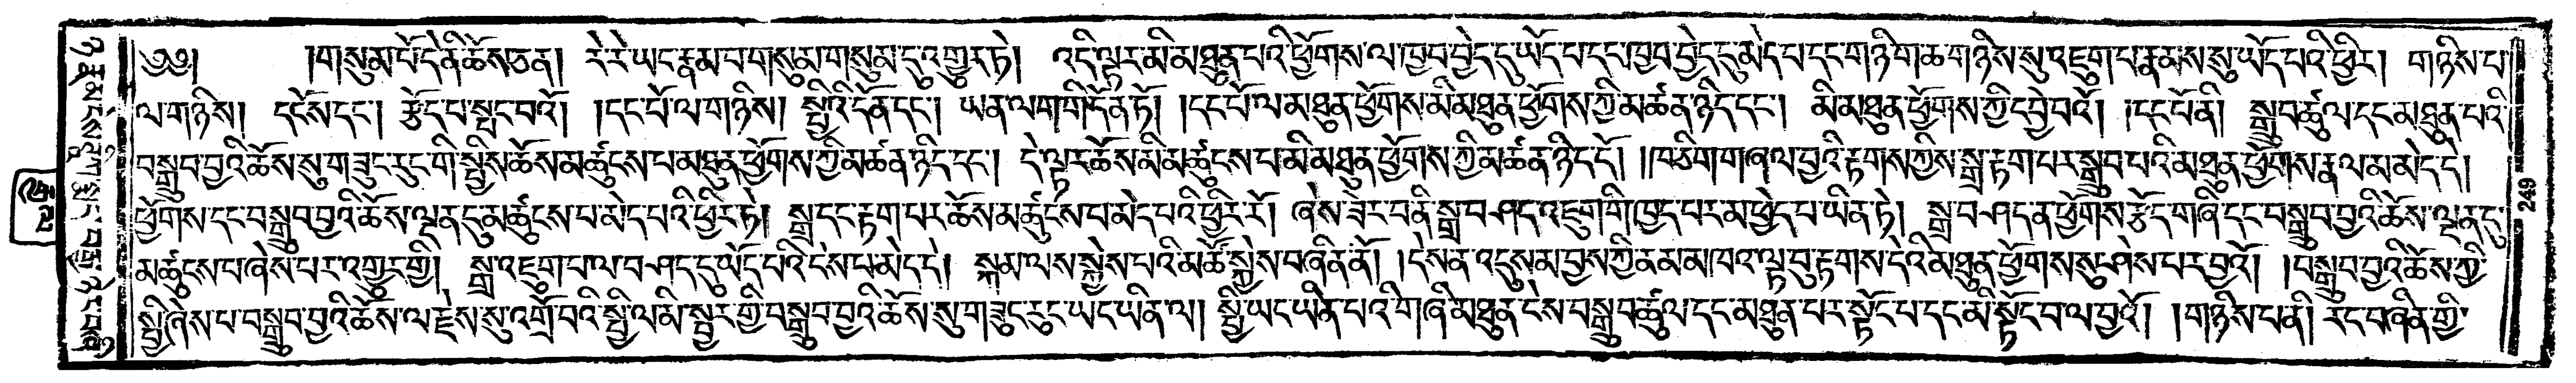༄༅། །གསུམ་པོ་དེ་ནི་ཆོས་ཅན། རེ་རེ་ཡང་རྣམ་པ་གསུམ་གསུམ་དུ་འགྱུར་ཏེ། འདི་ལྟར་མི་མཐུན་པའི་ཕྱོགས་ལ་ཁྱབ་བྱེད་དུ་ཡོད་པ་དང་ཁྱབ་བྱེད་དུ་མེད་པ་དང་གཉི་ག་ཆ་གཉིས་སུ་འཇུག་པ་རྣམས་སུ་ཡོད་པའི་ཕྱིར། གཉིས་པ་
ལ་གཉིས། དངོས་དང་། རྩོད་པ་སྤང་བའོ། །དང་པོ་ལ་གཉིས། སྤྱིའི་དོན་དང་། ཡན་ལག་གི་དོན་ཏོ། །དང་པོ་ལ་མཐུན་ཕྱོགས་མི་མཐུན་ཕྱོགས་ཀྱི་མཚན་ཉིད་དང་། མི་མཐུན་ཕྱོགས་ཀྱི་དབྱེ་བའོ། །དང་པོ་ནི། སྒྲུབ་ཚུལ་དང་མཐུན་པའི་
བསྒྲུབ་བྱའི་ཆོས་སུ་གཟུང་རུང་གི་སྤྱིས་ཆོས་མཚུངས་པ་མཐུན་ཕྱོགས་ཀྱི་མཚན་ཉིད་དང་། དེ་ལྟར་ཆོས་མི་མཚུངས་པ་མི་མཐུན་ཕྱོགས་ཀྱི་མཚན་ཉིད་དོ། །ཁ་ཅིག་གཞལ་བྱའི་རྟགས་ཀྱིས་སྒྲ་རྟག་པར་སྒྲུབ་པའི་མཐུན་ཕྱོགས་རྣལ་མ་མེད་དེ།
ཕྱོགས་དང་བསྒྲུབ་བྱའི་ཆོས་ལྡན་དུ་མཚུངས་པ་མེད་པའི་ཕྱིར་ཏེ། སྒྲ་དང་རྟག་པར་ཆོས་མཚུངས་པ་མེད་པའི་ཕྱིར་རོ། ཞེས་ཟེར་བ་ནི་སྒྲ་བཤད་འཇུག་གི་ཁྱད་པར་མ་ཕྱེད་པ་ཡིན་ཏེ། སྒྲ་བཤད་ན་ཕྱོགས་རྩོད་གཞི་དང་བསྒྲུབ་བྱའི་ཆོས་ལྡན་དུ་
མཚུངས་པ་ཞེས་པར་འགྱུར་གྱི། སྒྲ་འཇུག་པ་ལ་བཤད་དུ་ཡོད་པའི་ངེས་པ་མེད་དེ། སྐམ་ལས་སྐྱེས་པའི་མཚོ་སྐྱེས་བཞིན་ནོ། །དེས་ན་འདུས་མ་བྱས་ཀྱི་ནམ་མཁའ་ལྟ་བུ་རྟགས་དེའི་མཐུན་ཕྱོགས་སུ་ཤེས་པར་བྱའོ། །བསྒྲུབ་བྱའི་ཆོས་ཀྱི་
སྤྱི་ཞེས་པ་བསྒྲུབ་བྱའི་ཆོས་ལ་རྗེས་སུ་འགྲོ་བའི་སྤྱི་ལ་མི་སྦྱར་གྱི་བསྒྲུབ་བྱའི་ཆོས་སུ་གཟུང་རུང་ཡང་ཡིན་ལ། སྤྱི་ཡང་ཡིན་པའི་གཞི་མཐུན་ངེས་བསྒྲུབ་ཚུལ་དང་མཐུན་པར་སྟོང་པ་དང་མི་སྟོང་བ་ལ་བྱའོ། །གཉིས་པ་ནི། རང་བཞིན་གྱི་